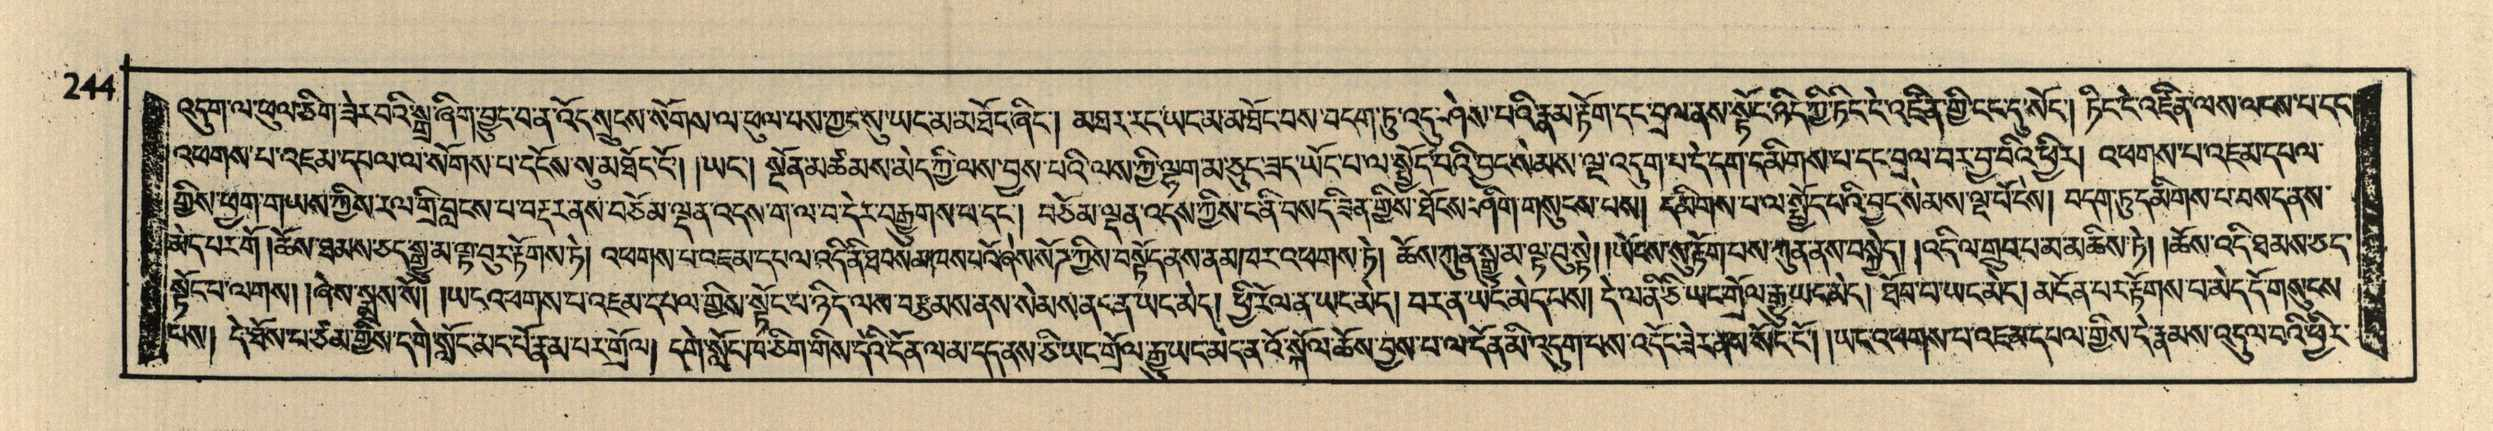འདུག་ལ་ཕུལ་ཅིག་ཟེར་བའི་སྒྲ་ཞིག་བྱུང་བ་ན་འོད་སྲུངས་སོགས་ལ་ཕུལ་པས་ཀྱང་སུ་ཡང་མ་མཐོང་ཞིང་། མཐར་རང་ཡང་མ་མཐོང་བས་བདག་ཏུ་འདུ་ཤེས་པའི་རྣམ་རྟོག་དང་བྲལ་ན་སྟོང་ཉིད་ཀྱི་ཏིང་ངེ་འཛིན་གྱི་ངང་དུ་སོང་། ཏིང་ངེ་འཛིན་ལས་ལངས་པ་དང་
འཕགས་པ་འཇམ་དཔལ་ལ་སོགས་པ་དངོས་སུ་མཐོང་ངོ། །ཡང་། སྔོན་མཚམས་མེད་ཀྱི་ལས་བྱས་པའི་ལས་ཀྱི་ལྷག་མ་ཅུང་ཟད་ཡོད་པ་ལ་སྤྱོད་པའི་བྱང་སེམས་ལྔ་འདུག་པ་དེ་དག་དམིགས་པ་དང་བྲལ་བར་བྱ་བའི་ཕྱིར། འཕགས་པ་འཇམ་དཔལ་
གྱིས་ཕྱག་གཡས་ཀྱིས་རལ་གྲི་བླངས་པ་བརྡར་ནས་བཅོམ་ལྡན་འདས་ག་ལ་བ་དེར་བརྒྱུགས་པ་དང་། བཅོམ་ལྡན་འདས་ཀྱིས་ང་ནི་བསད་ཟིན་གྱིས་ཐོངས་ཤིག་གསུངས་པས། དམིགས་པ་ལ་སྤྱོད་པའི་བྱང་སེམས་ལྔ་པོ་ངེས། བདག་ཏུ་དམིགས་པ་བསད་ནས་
མེད་པར་གོ །ཆོས་ཐམས་ཅད་སྒྱུ་མ་ལྟ་བུར་རྟོགས་ཏེ། འཕགས་པ་འཇམ་དཔལ་འདི་ནི་ཐབས་མཁས་པའོ་ཞེས་སོགས་ཀྱིས་བསྟོད་ནས་ན་མཁར་འཕགས་ཏེ། ཆོས་ཀུན་སྒྱུ་མ་ལྟ་བུ་སྟེ། །ཡོངས་སུ་རྟོག་པས་ཀུན་ནས་བསྐྱེད། །འདི་ལ་གྲུབ་པ་མ་མཆིས་ཏེ། །ཆོས་འདི་ཐམས་ཅད་
སྟོང་པ་ལགས། །ཞེས་སྨྲས་སོ། །ཡང་འཕགས་པ་འཇམ་དཔལ་གྱིས་སྟོང་པ་ཉིད་ལས་བརྩམས་ནས་སེམས་ནང་ན་ཡང་མེད། ཕྱི་རོལ་ན་ཡང་མེད། བར་ན་ཡང་མེད་པས། དེ་ལ་ནི་ཅི་ཡང་གྲོལ་རྒྱུ་ཡང་མེད། ཐོབ་པ་ཡང་མེད། མངོན་པར་རྟོགས་པ་མེད་དོ་གསུངས་
པས། དེ་ཐོས་པ་ཙམ་གྱིས་དགེ་སློང་མང་པོ་རྣམ་པར་གྲོལ། དགེ་སློང་ཁ་ཅིག་གིས་དེའི་དོན་ལམ་དད་ནས་ཅི་ཡང་གྲོལ་རྒྱུ་ཡང་མེད་ནའོ་སྐོལ་ཆོས་བྱས་པ་ལ་དོན་མི་འདུག་པས་འདོང་ཟེར་ནས་སོང་ངོ། །ཡང་འཕགས་པ་འཇམ་དཔལ་གྱིས་དེ་རྣམས་འདུལ་བའི་ཕྱིར་